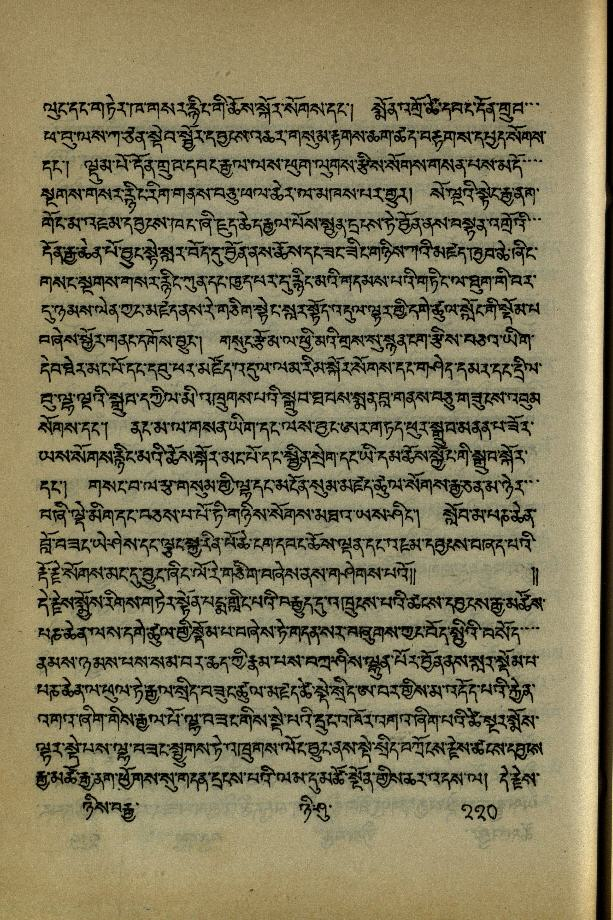ལུང་དང་གཏེར་ཁ་གསར་རྙིང་གི་ཆོས་སྐོར་སོགས་དང་། སྨོན་འགྲོ་ཚེ་དབང་དོན་གྲུབ་
ཕ་བུ་ལས་ཀ་ཙན་སྡེབ་སྦྱོར་དབྱངས་འཆར་གསུམ་རྟགས་ཆག་ཚད་བརྟགས་དཔྱད་སོགས་
དང་། ལྡུམ་པོ་དོན་གྲུབ་དབང་རྒྱལ་ལས་ཕུག་ལུགས་རྩིས་སོགས་གསན་པས་མདོ་
སྔགས་གསར་རྙིང་རིག་གནས་བཅུ་ཕལ་ཆེར་ལ་མཁས་པར་གྱུར། སོ་ལྔའི་སྟེང་རྒྱ་ནག་
གོང་མ་འཇམ་དབྱངས་ཁང་ཞི་ཇུད་ཆེད་རྒྱལ་པོས་སྤྱན་དྲངས་ཏེ་བྱོན་ནས་བསྟན་འགྲོའི་
དོན་རྒྱ་ཆེན་པོ་བྱུང་སྟེ་སླར་བོད་དུ་བྱོན་ནས་ཆོས་དང་ཟང་ཟིང་གཉིས་ཀའི་མཛད་ཁྱབ་ཆེ་ཞིང་
གསང་སྔགས་གསར་རྙིང་ཀུན་དང་ཁྱད་པར་དུ་རྙིང་མའི་གདམས་པའི་གཏིང་ལ་ཐུག་གི་བར་
དུ་ཉམས་ལེན་ཀྱང་མཛད་ནས་རེ་གཅིག་སྟེང་སླར་སྟོད་འདུལ་ལྟར་གྱི་དགེ་ཚུལ་སློང་གི་སྡོམ་པ་
བཞེས་སྐྱོར་གནང་དགོས་བྱུང་། གསུང་རྩོམ་ལ་ཕྱི་མའི་གྲས་སུ་སྙན་ངག་རྩིས་བཅའ་ཡིག་
དེབ་ཐེར་མང་པོ་དང་དབུ་ཕར་མཛོད་འདུལ་ལམ་རིམ་སྐོར་སོགས་དང་གཤེད་དམར་དང་དྲིལ་
བུ་ལྷ་ལྔའི་སྒྲུབ་དཀྱིལ་མི་འཁྲུགས་པའི་སྒྲུབ་ཐབས་སྨན་བླ་གནས་བཅུ་གཟུངས་འབུམ་
སོགས་དང་། ནང་མ་ལ་གསན་ཡིག་དང་ལས་བྱང་ཨར་གཏད་ཕུར་སྒྲུབ་མནན་པ་ཟོར་
ཡས་སོགས་རྙིང་མའི་ཆོས་སྐོར་མང་པོ་དང་སྦྱིན་སྲེག་དང་ཡི་དམ་ཆོས་སྐྱོང་གི་སྒྲུབ་སྐོར་
དང་། གསང་བ་ལ་རྩ་གསུམ་གྱི་ལྷ་དང་མངོན་སུམ་མཛད་ཚུལ་སོགས་རྒྱ་ཅན་མ་ཉེར་
བཞི་ལྡེ་མིག་དང་བཅས་པ་པོ་ཏི་གཉིས་སོགས་མཐའ་ཡས་ཤིང་། སློབ་མ་པཎ་ཆེན་
བློ་བཟང་ཡེ་ཤེས་དང་ལྕང་སྐྱ་རིན་པོ་ཆེ་ངག་དབང་ཆོས་ལྡན་དང་འཇམ་དབྱངས་བཞད་པའི་
རྡོ་རྗེ་སོགས་མང་དུ་བྱུང་ཞིང་ལོ་རེ་གཅིག་བཞེས་ནས་གཤེགས་པའོ།། །།
དེ་རྗེས་སྨྱོས་རིགས་གཏེར་སྟོན་པདམ་གླིང་པའི་བརྒྱུད་དུ་འ་ཁྲུངས་པའི་ཚངས་དབྱངས་རྒྱ་མཚོས་
པཎ་ཆེན་ལས་དགེ་ཚུལ་གྱི་སྡོམ་པ་བཞེས་ཏེ་གདན་སར་བཞུགས་ཀྱང་བོད་སྤྱིའི་བསོད་
ནམས་ཉམས་པས་སམ་བར་ཆད་ཀྱི་རྣམ་པས་བཀྲ་ཤིས་ལྷུན་པོར་བྱོན་ནས་སླར་སྡོམ་པ་
པཎ་ཆེན་ལ་ཕུལ་ཏེ་རྒྱལ་སྲིད་བཟུང་ཚུལ་མཛད་ཚེ་སྡེ་སྲིད་ཨ་བར་གྱིས་མ་འདོད་པའི་རྐྱེན་
འགའ་ཞིག་གིས་རྒྱལ་པོ་ལྷ་བཟང་གིས་སྡེ་པའི་དྲུང་འཁོར་འགའ་ཞིག་པའི་ཚེ་སྔར་སྨོས་
ལྟར་སྡེ་པས་ལྷ་བཟང་སྤྱུགས་ཏེ་འཁྲུགས་ལོང་བྱུང་ནས་སྡེ་སྲིད་བཀྲོངས་རྗེས་ཚངས་དབྱངས་
རྒྱ་མཚོ་རྒྱ་ནག་ཕྱོགས་སུ་གདན་དྲངས་པའི་ལམ་དུ་མཚོ་སྔོན་གྱིས་ཆར་འདས་ལ། དེ་རྗེས་